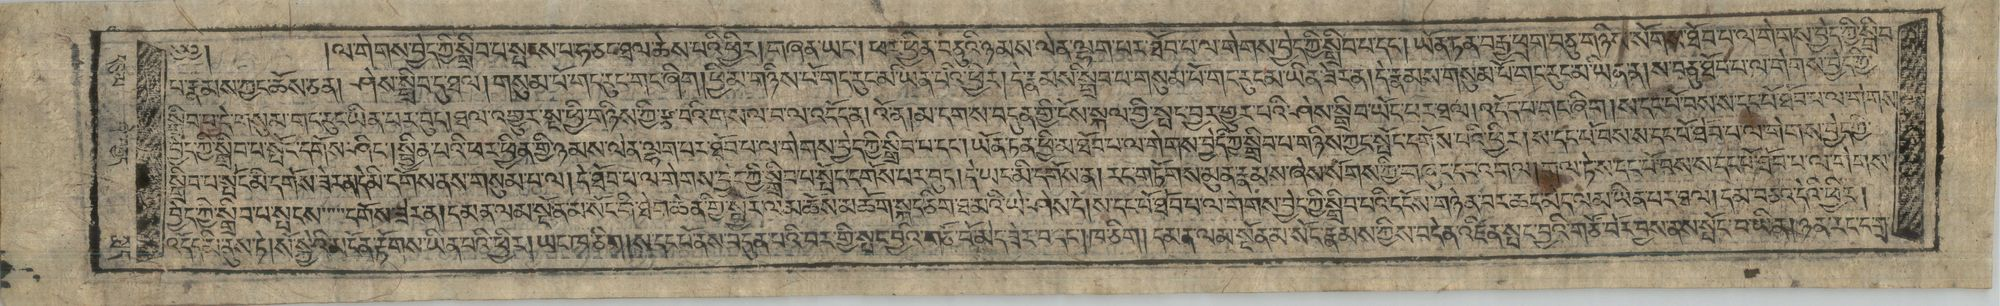༄༅། །ལ་གེགས་བྱེད་ཀྱི་སྒྲིབ་པ་སྤངས་པ་ཧ་ཅང་ཐལ་ཆེས་པའི་ཕྱིར། གཞན་ཡང་། ཕར་ཕྱིན་བཅུའི་ཉམས་ལེན་ལྷག་པར་ཐོབ་པ་ལ་གེགས་བྱེད་ཀྱི་སྒྲིབ་པ་དང་། ཡོན་ཏན་བརྒྱ་ཕྲག་བཅུ་གཉིས་སོགས་ཐོབ་པ་ལ་གེགས་བྱེད་ཀྱི་སྒྲིབ་
པ་རྣམས་ཀྱང་ཆོས་ཅན། ཤེས་སྒྲིབ་དུ་ཐལ། གསུམ་པོ་གང་རུང་གང་ཞིག །ཕྱི་མ་གཉིས་པོ་གང་རུང་མ་ཡིན་པའི་ཕྱིར། དེ་རྣམས་སྒྲིབ་པ་གསུམ་པོ་གང་རུང་མ་ཡིན་ཟེར་ན། དེ་རྣམས་གསུམ་པོ་གང་རུང་མ་ཡིན་ན། ས་བཅུ་ཐོབ་པ་ལ་གེགས་བྱེད་ཀྱི་
སྒྲིབ་པ་དེ་གསུམ་གང་རུང་ཡིན་པར་བུད། ཐལ་འགྱུར་སྔ་ཕྱི་གཉིས་ཀྱི་རྩ་བའི་གསལ་བ་ལ་འདོད་ན། འོ་ན། མ་དག་ས་བདུན་གྱི་ངོས་སྐལ་གྱི་སྤང་བྱར་གྱུར་པའི་ཤེས་སྒྲིབ་ཡོད་པར་ཐལ། འདོད་པ་གང་ཞིག །ས་དང་པོ་བས་ས་དང་པོ་ཐོབ་པ་ལ་གེགས་
བྱེད་ཀྱི་སྒྲིབ་པ་སྤོང་དགོས་ཤིང་། སྦྱིན་པའི་ཕར་ཕྱིན་གྱི་ཉམས་ལེན་ལྷག་པར་ཐོབ་པ་ལ་གེགས་བྱེད་ཀྱི་སྒྲིབ་པ་དང་། ཡོན་ཏན་ཕྱི་མ་ཐོབ་པ་ལ་གེགས་བྱེད་ཀྱི་སྒྲིབ་པ་གཉིས་ཀྱང་སྤྱོད་?་དགོས་པའི་ཕྱིར། ས་དང་པོ་བས་ས་དང་པོ་ཐོབ་པ་ལ་གེགས་བྱེད་ཀྱི་
སྒྲིབ་པ་སྤོང་མི་དགོས་ཟེར་ན། དེ་མི་དགོས་ནས་གསུམ་པ་ལ། དེ་ཐོབ་པ་ལ་གེགས་བྱེད་ཀྱི་སྒྲིབ་པ་སྤོང་དགོས་པར་བུད། དེ་ཡང་མི་དགོས་ན། རང་གཏོགས་མུན་རྣམས་ཞེས་སོགས་ཀྱི་གཞུང་དང་འགལ། གལ་ཏེ་ས་དང་པོ་བས་ས་དང་པོ་ཐོབ་པ་ལ་གེགས་
བྱེད་ཀྱི་སྒྲིབ་པ་སྤངས་པ་དགོས་ཟེར་ན། དམན་ལམ་སྔོན་མ་སོང་གི་ཐེག་ཆེན་གྱི་སྦྱོར་ལམ་ཆོས་མཆོག་སྐད་ཅིག་ཐ་མའི་ཡེ་ཤེས་དེ། ས་དང་པོ་ཐོབ་པ་ལ་གེགས་བྱེད་ཀྱི་སྒྲིབ་པའི་དངོས་གཉེན་བར་ཆད་མེད་ལམ་ཡིན་པར་ཐལ། དམ་བཅའ་དེའི་ཕྱིར།
འདོད་མི་ནུས་ཏེ། སོ་སྐྱེའི་མངོན་རྟོགས་ཡིན་པའི་ཕྱིར། ཡང་ཁ་ཅིག །ས་དང་པོ་ནས་བདུན་པའི་བར་གྱི་སྤང་བྱའི་གཙོ་བོ་མེད་ཟེར་བ་དང་། ཁ་ཅིག །དམན་ལམ་སྔོན་མ་སོང་རྣམས་ཀྱིས་བདེན་འཛིན་སྤང་བྱའི་གཙོ་བོར་བྱས་ནས་སྤོང་བ་ཡིན། ཉན་རང་དགྲ་